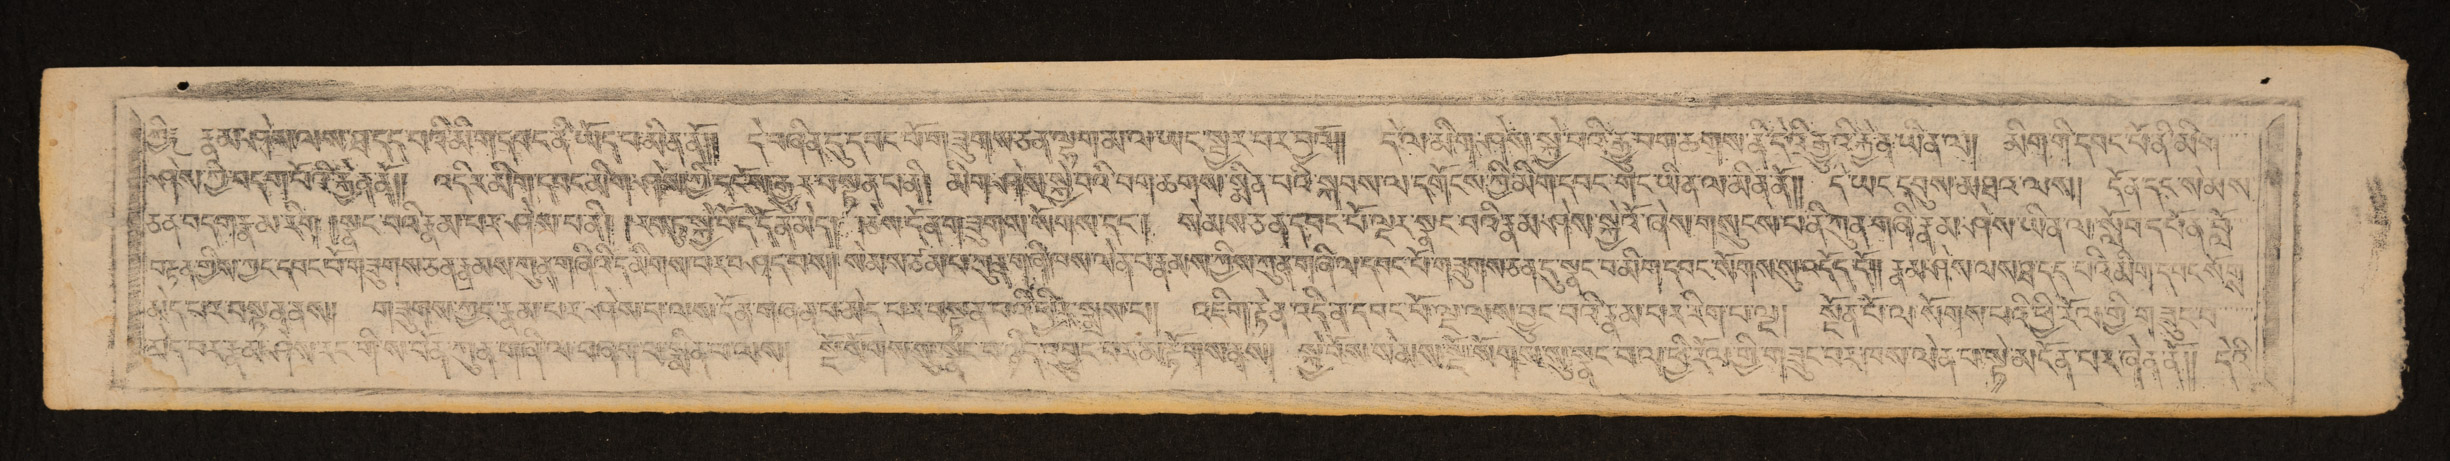ཀྱི༑ རྣམ་ཤེས་ལས་ཐ་དད་པའི་མིག་དབང་ནི་ཡོད་པ་མིན་ནོ།། དེ་བཞིན་དུ་དབང་པོ་གཟུགས་ཅན་ལྷག་མ་ལ་ཡང་སྦྱར་བར་བྱའོ།། དེ་ལ་མིག་ཤེས་སྐྱེ་བའི་རྒྱུ་བག་ཆགས་ནི་དེའི་རྒྱུའི་རྐྱེན་ཡིན་ལ། མིག་གི་དབང་པོ་ནི་མིག་
ཤེས་ཀྱི་བདག་པོའི་རྐྱེན་ནོ།། འདིར་མིག་དབང་མིག་ཤེས་ཀྱི་དངོས་རྒྱུར་བསྟན་པ་ནི། མིག་ཤེས་སྐྱེ་བའི་བག་ཆགས་སྨིན་པའི་སྐབས་ལ་དགོངས་ཀྱི་མིག་དབང་གང་ཡིན་ལ་མིན་ནོ།། དེ་ཡང་དབུས་མཐའ་ལས། དོན་དང་སེམས་
ཅན་བདག་རྣམ་རིག །སྣང་བའི་རྣམ་པར་ཤེས་པ་ནི། །རབ་ཏུ་སྐྱེ་བོ་དེ་དོན་མེད། །ཅེས་དོན་གཟུགས་སོགས་དང་། སེམས་ཅན་དབང་པོ་ལྔར་སྣང་བའི་རྣམ་ཤེས་སྐྱེའོ་ཞེས་གསུངས་པ་ནི་ཀུན་གཞི་རྣམ་ཤེས་ཡིན་ལ་སློབ་དཔོན་བློ་
བརྟན་གྱིས་ཀྱང་དབང་པོ་གཟུགས་ཅན་རྣམས་ཀུན་གཞིའི་དམིགས་པར་བཤད་པས། སེམས་ཙམ་པ་ཀུན་གཞི་ཁས་ལེན་པ་རྣམས་ཀྱིས་ཀུན་གཞི་ལ་དབང་པོ་གཟུགས་ཅན་དུ་སྣང་བ་མིག་དབང་སོགས་སུ་འདོད་དོ།། རྣམ་ཤེས་ལས་ཐ་དད་པའི་མིག་དབང་སོགས་
མེད་པར་བསྟན་ནས། གཟུགས་ཀྱང་རྣམ་པར་ཤེས་པ་ལས་དོན་གཞན་པ་མེད་པར་བསྟན་པའི་ཕྱིར་སྨྲས་པ། འཇིག་རྟེན་འདི་ན་དབང་པོ་ལྔ་ལས་བྱུང་བའི་རྣམ་པར་རིག་པ་ལྔ། སྔོན་པོ་ལ་སོགས་པའི་ཕྱི་རོལ་གྱི་གཟུང་བ་
མེད་པར་རྣམ་ཤེས་རང་གི་ས་བོན་ཀུན་གཞི་ལ་བཞག་པ་སྨིན་པ་ལས། སྔོ་སོགས་སུ་སྣང་བ་ཉིད་འབྱུང་བར་མ་རྟོགས་ནས། སྐྱེ་བོས་སེམས་སྔོ་སོགས་སུ་སྣང་བ་ལ་ཕྱི་རོལ་གྱི་གཟུང་བར་ཁས་ལེན་པ་སྟེ་མངོན་པར་ཞེན་ནོ།། དེའི་